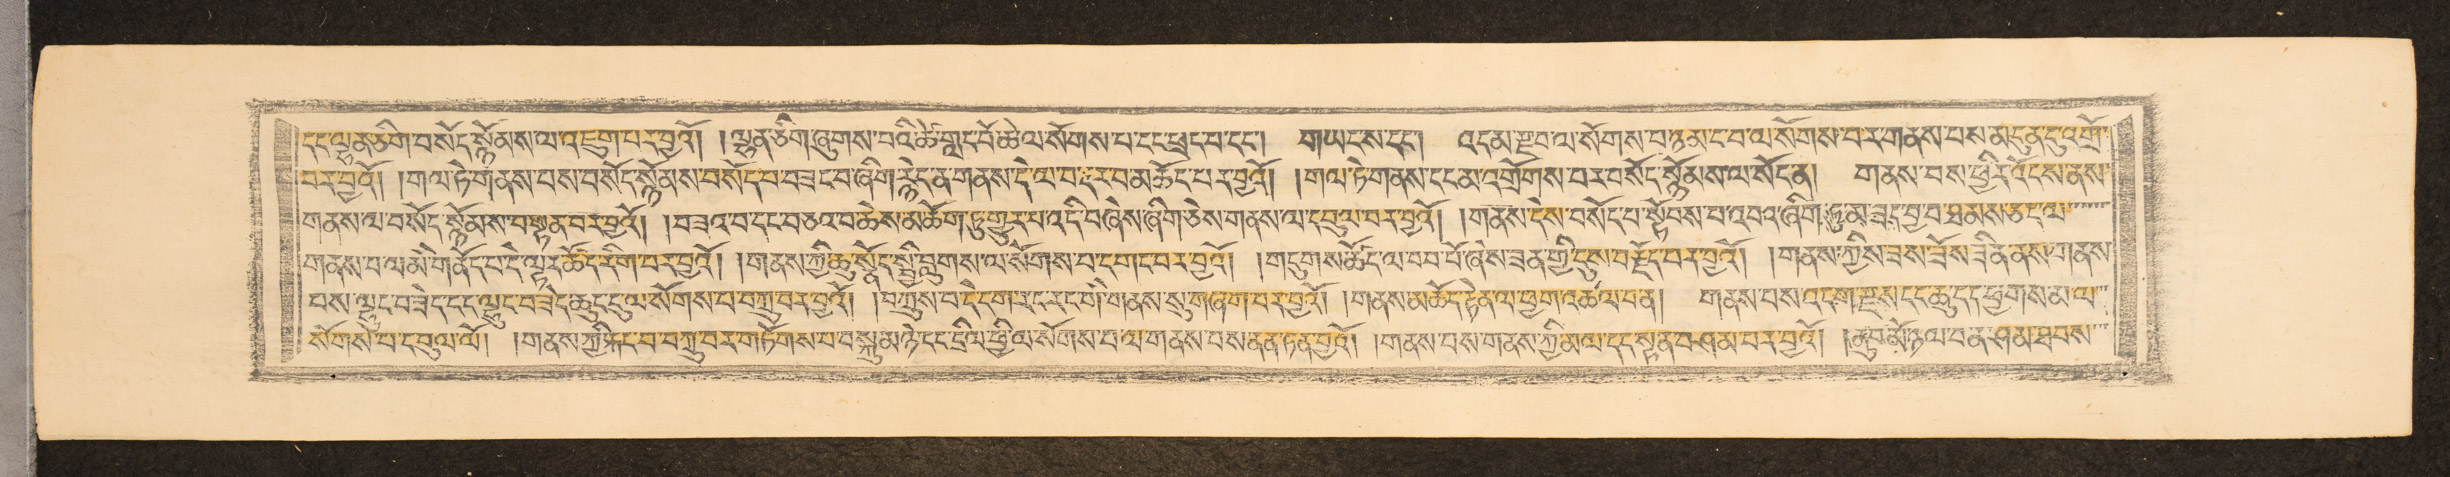དང་ལྷན་ཅིག་བསོད་སྙོམས་ལ་འཇུག་པར་བྱའོ། །ལྷན་ཅིག་ཞུགས་པའི་ཚེ་གླང་པོ་ཆེ་ལ་སོགས་པ་དང་ཕྲད་པ་དང་། གཡང་ས་དང་། འདམ་རྫ་བ་ལ་སོགས་པ་ཉམ་ད་བ་ལ་སོགས་པར་གནས་པས་མདུན་དུ་འགྲོ་
བར་བྱའོ། །གལ་ཏེ་གནས་པས་བསོད་སྙོམས་བསོད་པ་བཟད་བ་ཞིག་རྙེད་ན་གནས་དེ་ལ་བརྡར་བ་མཆོད་པར་བྱའོ། །གལ་ཏེ་གནས་དང་མ་འགྲོགས་པར་བསོད་སྙོམས་ལ་སོང་ན། གནས་པས་ཕྱིར་འོངས་ནས་
གནས་ལ་བསོད་སྙོམས་བསྟན་པར་བྱའོ། །བཟའ་བ་དང་བཅའ་བ་ཆེས་མཆོག་ཏུ་གྱུར་པ་འདི་བཞེས་ཞིག་ཅེས་གནས་ལ་དབུལ་བར་བྱའོ། །གནས་དེས་བསོད་པ་སྟོབས་པ་འབའ་ཞིག་ཏུ་མ་ཟད་བྱ་བ་ཐམས་ཅད་ལ་
གནས་པ་ལ་མི་གནོད་པ་དེ་ལྟར་ཚོད་རིག་པར་བྱའོ། །གནས་ཀྱི་ཆུ་སྣོད་སྤྱི་བླུགས་ལ་སོགས་པ་དགར་བར་བྱའོ། །གདུགས་ཚོད་ལ་བབ་པོ་ཞེས་ཟན་གྱི་དུས་བརྗོད་པར་བྱའོ། །གནས་ཀྱིས་ཟས་ཟོས་ཟིན་ནས་གནས་
པས་ལྷུང་བཟེད་དང་ལྷུང་བཟེད་ཆུང་དུ་ལ་སོགས་པ་བཀྲུ་བར་བྱའོ། །བཀྲུས་པ་དེ་དག་རང་རང་གི་གནས་སུ་གཞག་པར་བྱའོ། །གནས་མཆོད་རྟེན་ལ་ཕྱག་འཚལ་བ་ན། གནས་པས་འདག་རྫས་དང་ཆུ་དང་ཕྱགས་མ་ལ་
སོགས་པ་དབུལ་ལོ། །གནས་ཀྱི་རྐང་བ་བཀྲུ་བར་གཏོགས་པ་བསྐུ་མཉེ་དང་དྲིལ་ཕྱི་ལ་སོགས་བ་ལ་གནས་བས་ནན་ཏན་བྱའོ། །གནས་པས་གནས་ཀྱི་སལ་དང་སྟན་བཤམ་པར་བྱའོ། །ནུབ་མོ་ཉལ་བ་ན་ཤམ་ཐབས་